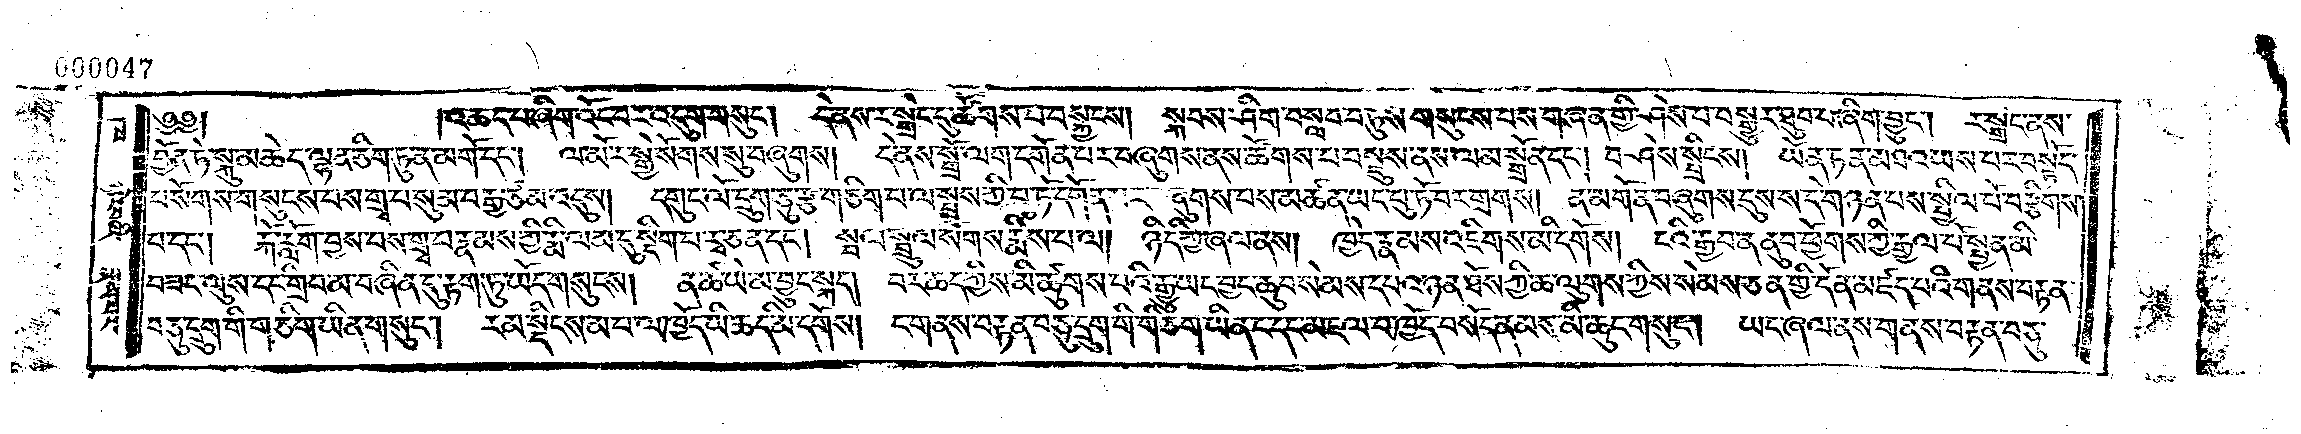༄༅། །འཆད་པ་ཞིག་འོང་བར་འདུག་གསུང་། དེ་ནས་ར་སྒྲེང་དུ་ཚོགས་པ་བསྐྱངས། སྐབས་ཤིག་བསླབ་བཏུས་གསུངས་པས་གཞན་གྱི་ཤེས་པ་བསྒྱུར་ཐུབ་པ་ཞིག་བྱུང་། ར་སྒྲེང་ནས་
བྱོན་ཏེ་སྐུ་མཆེད་ལྷན་ཅིག་ཏུ་ན་མགོ་དང་། ལ་མོ་ར་སྒྱེ་སོགས་སུ་བཞུགས། དེ་ནས་སྒྲོ་ལག་དགོན་པར་བཞུགས་ནས་ཚོགས་པ་བསྡུས་ནས་ལམ་སྒྲོན་དང་། བཤེས་སྤྲིངས། ཡོན་ཏན་མཐའ་ཡས་བར་བསྟོད་
པ་སོགས་གསུངས་པས་གྲྭ་པ་སུམ་བརྒྱ་ཙམ་འདུས། དགུང་ལོ་དྲུག་ཅུ་རྩ་གཅིག་པ་ལ་སྤྲས་ཀྱི་པུ་ཏོ་དགོན་པར་བཞུགས་པས་མཚན་ཡང་པུ་ཏོ་བར་གྲགས། ན་མགོན་བཞུགས་དུས་ས་དེ་གཉན་པས་སྤྱིལ་པོ་བརྩིགས་
བ་དང་། རྐོ་རློག་བྱས་པས་གྲྭ་བ་རྣམས་ཀྱི་རྨི་ལམ་དུ་སྡིག་པ་རྭ་ཅན་དང་། སྦལ་སྦྲུལ་སོགས་རྨིས་པ་ལ། ཉིད་ཀྱི་ཞལ་ནས། ཁྱེད་རྣམས་འཇིགས་མི་དགོས། ངའི་རྒྱབ་ན་ནུབ་ཕྱོགས་ཀྱི་རྒྱལ་པོ་སྤྱན་མི་
བཟང་ལུས་དང་གྲིབ་མ་བཞིན་དུ་རྟག་ཏུ་ཡོད་གསུངས། ན་ཚ་ཡེ་མ་བྱུང་སྐད། བར་ཆད་ཀྱིས་མི་ཚུགས་པའི་རྒྱུ་ཡང་བྱང་ཆུབ་སེམས་དཔའ་ཉན་ཐོས་ཀྱི་ཆ་ལུགས་ཀྱིས་སེམས་ཅན་གྱི་དོན་མཛད་པའི་གནས་བརྟན་
བཅུ་དྲུག་གི་གཅིག་ཡིན་གསུང་། རམ་སྡིངས་མ་པ་ལ་ཁྱོད་ཡི་ཆད་མི་དགོས། ང་གནས་བརྟན་བཅུ་དྲུག་གི་གཅིག་ཡིན་ང་དང་མཇལ་བ་ཁྱོད་བསོད་ནམས་མི་ཆུང་གསུང་། ཡང་ཞལ་ནས་གནས་བརྟན་བཅུ་